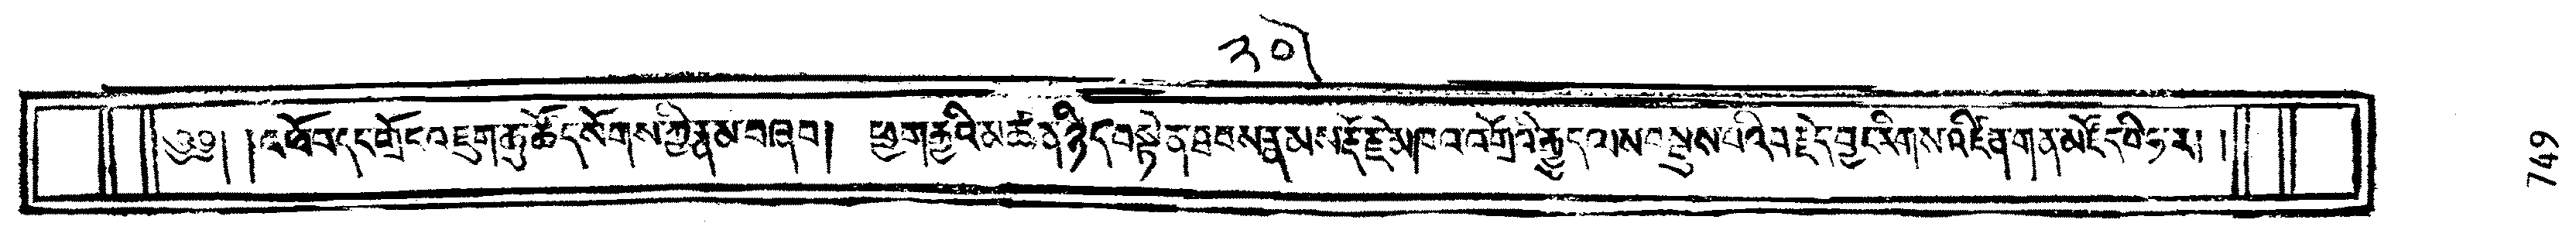༢༠?
༄༅། །འཕོ་བ་དང་གྲོང་འཇུག་ཆུ་ཚོད་སོགས་ཀྱི་རྣམ་བཞག་ཕྱག་རྒྱའི་མཚན་ཉིད་བསྟེན་ཐབས་རྣམས་རྡོ་རྗེ་མཁའ་འགྲོའི་རྒྱུད་ལས་བསྡུས་པའི་བརྗེད་བྱང་རིགས་འཛིན་གན་མཛོད་བི་ཧ་ར། །